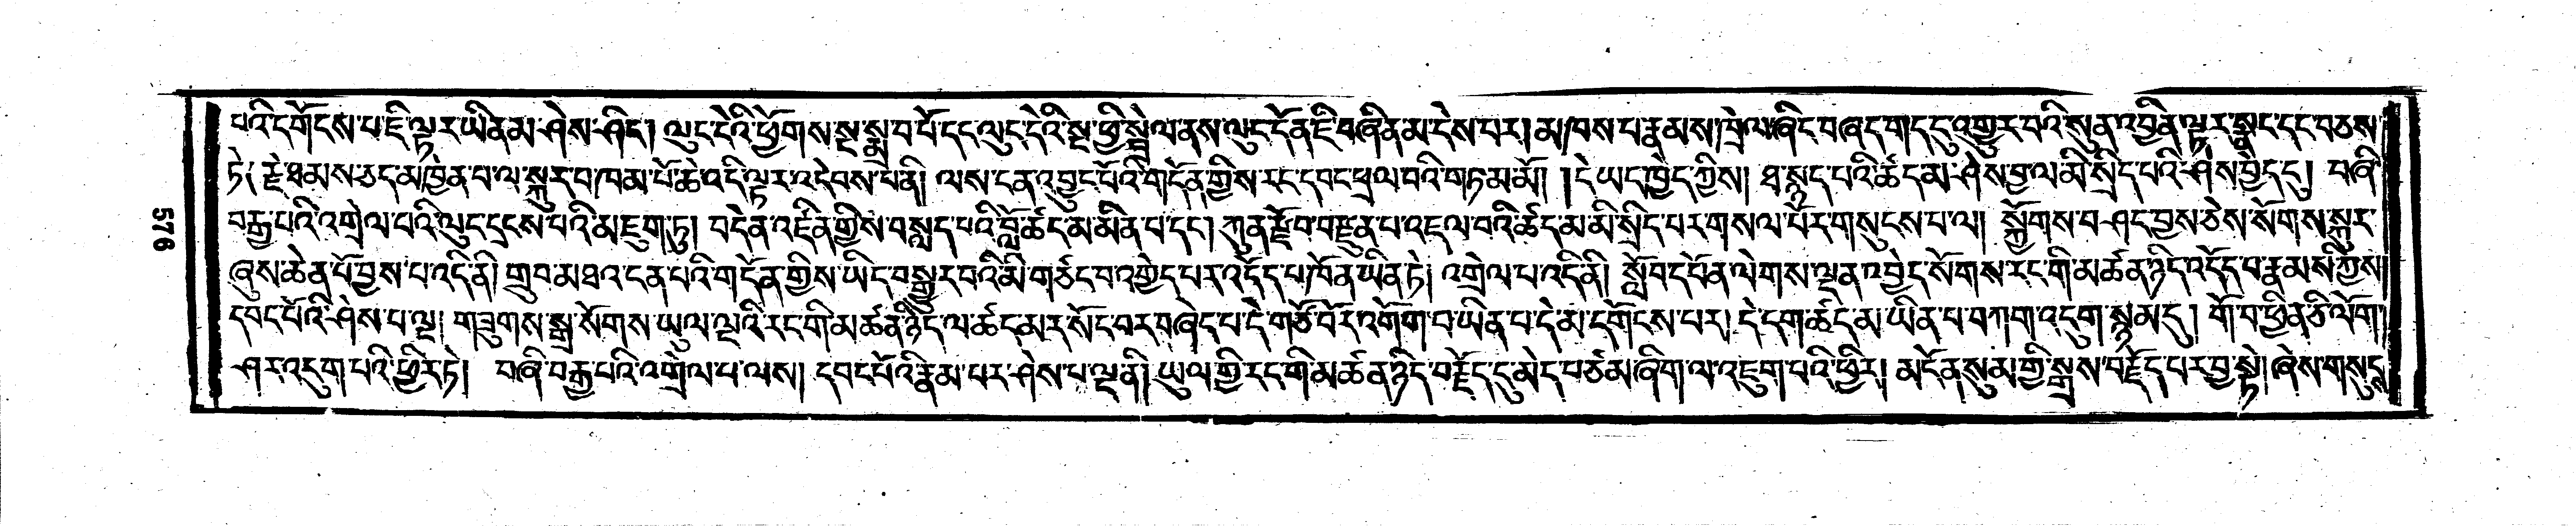པའི་དགོངས་པ་ཇི་ལྟར་ཡིན་མ་ཤེས་ཤིང་། ལུང་དེའི་ཕྱོགས་སྔ་སྨྲ་བ་པོ་དང་ལུང་དེའི་སྔ་ཕྱི་སྦྲེལ་ནས་ལུང་དོན་ཇི་བཞིན་མ་ངེས་པར། མཁས་པ་རྣམས་ཁྲེལ་ཞིང་བཞད་གང་དུ་འགྱུར་བའི་སུན་འབྱིན་ལྟར་སྣང་དང་བཅས་
ཏེ༑ རྗེ་ཐམས་ཅད་མཁྱེན་པ་ལ་སྐུར་བ་ཁམ་པོ་ཆེ་འདི་ལྟར་འདེབས་པ་ནི། ལས་ངན་འབྱུང་བའི་གདོན་གྱིས་རང་དབང་ཕྲལ་བའི་གཏམ་མོ། །དེ་ཡང་ཁྱེད་ཀྱིས། ཐ་སྙད་པའི་ཚད་མ་ཤེས་བྱ་ལ་མི་སྲིད་པའི་ཤེས་བྱེད་དུ། བཞི་
བརྒྱ་པའི་འགྲེལ་པའི་ལུང་དྲངས་པའི་མཇུག་ཏུ། བདེན་འཛིན་གྱིས་བསླད་པའི་བློ་ཚད་མ་མིན་པ་དང་། ཀུན་རྫོབ་བརྫུན་པ་འཇལ་བའི་ཚད་མ་མི་སྲིད་པར་གསལ་པོར་གསུངས་པ་ལ། སྐྱོགས་བཤད་བྱས་ཅེས་སོགས་སྐུར་
ཞུས་ཆེན་པོ་བྱས་པ་འདི་ནི། གྲུབ་མཐའ་ངན་པའི་གདོན་གྱིས་ཡིད་བསྒྱུར་བའི་མི་གཙང་བ་འགྱེད་པར་འདོད་པ་ཁོ་ན་ཡིན་ཏེ། འགྲེལ་པ་འདི་ནི། སློབ་དཔོན་ལེགས་ལྡན་འབྱེད་སོགས་རང་གི་མཚན་ཉིད་འདོད་པ་རྣམས་ཀྱིས་
དབང་པོའི་ཤེས་པ་ལྔ། གཟུགས་སྒྲ་སོགས་ཡུལ་ལྔའི་རང་གི་མཚན་ཉིད་ལ་ཚད་མར་སོང་བར་བཞེད་པ་དེ་གཙོ་བོར་འགོག་པ་ཡིན་པ་དེ་མ་དགོངས་པར། དེ་དག་ཚད་མ་ཡིན་པ་བཀག་འདུག་སྙམ་དུ། གོ་བ་ཕྱིན་ཅི་ལོག་
ཤར་འདུག་པའི་ཕྱིར་ཏེ། བཞི་བརྒྱ་པའི་འགྲེལ་པ་ལས། དབང་པོའི་རྣམ་པར་ཤེས་པ་ལྔ་ནི། ཡུལ་གྱི་རང་གི་མཚན་ཉིད་བརྗོད་དུ་མེད་པ་ཙམ་ཞིག་ལ་འཇུག་པའི་ཕྱིར། མངོན་སུམ་གྱི་སྒྲས་བརྗོད་པར་བྱ་སྟེ། ཞེས་གསུངས་